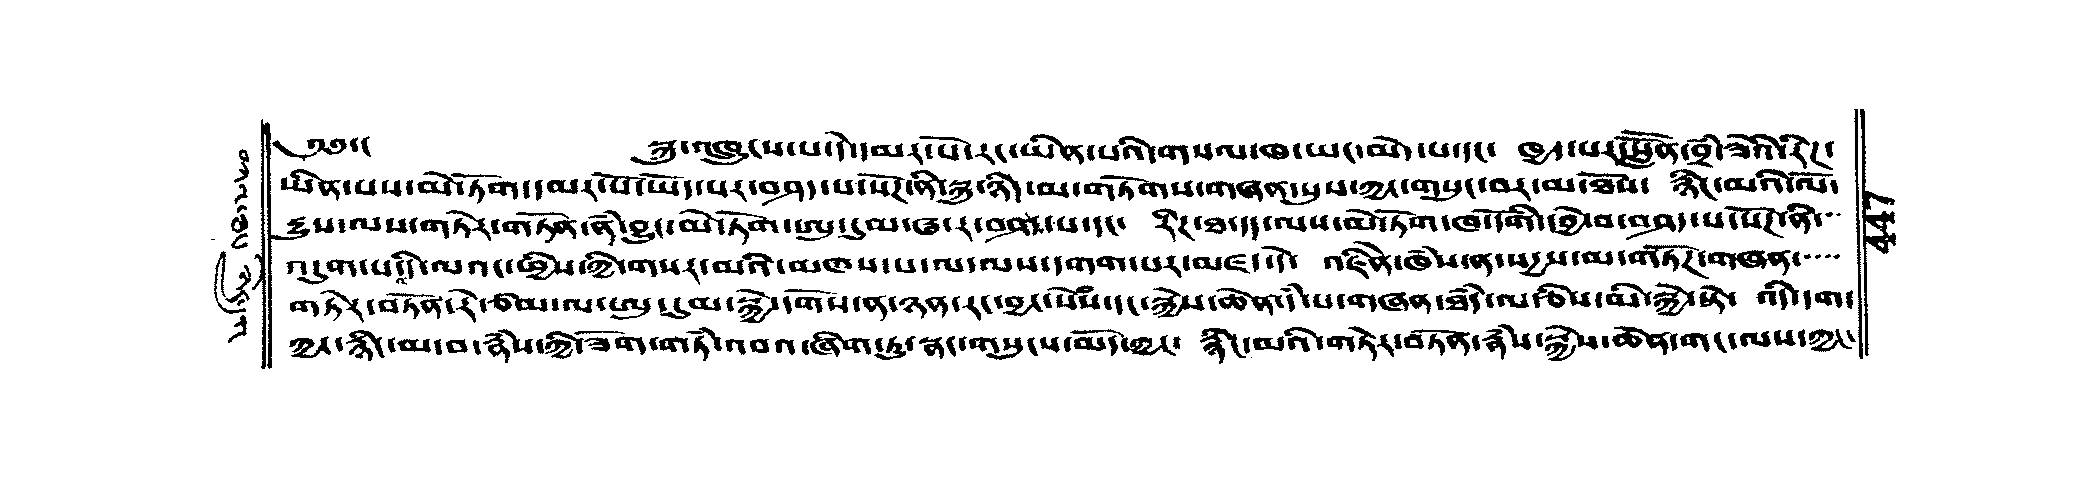སྐུ་འཁྲུངས་ས་དེ་དམར་པོ་རང་ཡིན་པའི་གསལ་ཁ་ཡང་མེད་པ་དང་། ཁྱད་པར་སློབ་དཔོན་བྲམ་ཟེའི་རིགས་
ཡིན་པས་མེ་ཏོག་དམར་པོ་ཡོད་པར་བཤད་པ་སོགས་ནི་སྐུ་ཉིད་མ་གཏོགས་གཞན་སུས་ཀྱང་གསུང་བར་མ་ཐོས། རྙིང་མའི་ལོ་
རྒྱུས་ལས་གཏེར་གཏོན་ནམ་བྱུང་མེ་ཏོག་ཨུ་དུམ་ཝ་ར་བཤད་པ་དང་། རིགས་ཐ་དད་ལས་མེ་ཏོག་ཁ་དོག་གི་དབྱེ་བ་བཤད་པ་སོགས་ནི་
འདུག་པ་འདི་ལའང་ཕྱིས་ཀྱི་གསར་མའི་མཁས་པ་ལ་ལས་དགག་པར་མཛད་དེ། འཇིག་རྟེན་ཁམས་ན་སངས་རྒྱས་མ་གཏོགས་གཞན་
གཏེར་གཏོན་རེ་ཙམ་ལ་ཨུ་དུམ་ཝ་ར་སྐྱེ་དགོས་ན་ཉན་རང་བྱང་སེམས་དང་སྐྱེས་ཆེན་དམ་པ་གཞན་ཐམས་ཅད་ལ་ཅིས་མི་སྐྱེ་སྟེ། འདི་དག་
ཀྱང་རྙིང་མ་བ་རྣམས་ཀྱི་ཟོག་གཏམ་འབའ་ཞིག་ཏུ་སྣང་གསུངས་མོད་ཀྱང་། རྙིང་མའི་གཏེར་གཏོན་རྣམས་སྐྱེས་ཆེན་གང་ལས་ཀྱང་།